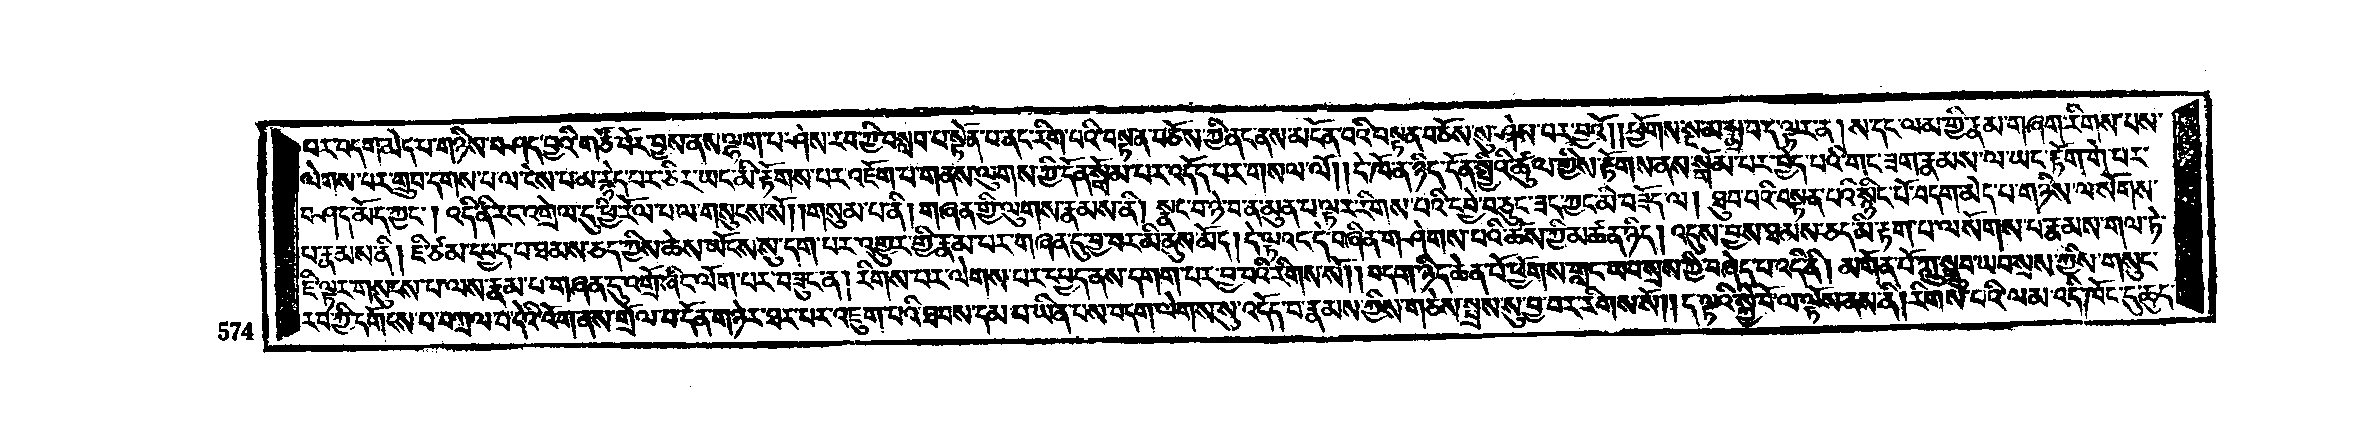པར་བདག་མེད་པ་གཉིས་བཤད་བྱའི་གཙོ་བོར་བྱས་ནས་ལྷག་པ་ཤེས་རབ་ཀྱི་བསླབ་པ་སྟོན་པ་ནང་རིག་པའི་བསྟན་བཅོས་ཀྱི་ནང་ནས་མངོན་པའི་བསྟན་བཅོས་སུ་ཤེས་པར་བྱའོ། །ཕྱོགས་སྔ་མ་སྨྲ་བ་དེ་ལྟར་ན། ས་དང་ལམ་གྱི་རྣམ་གཞག་རིགས་པས་
ལེགས་པར་གྲུབ་དགས་པ་ལ་ངེས་པ་མ་རྙེད་པར་ཅིར་ཡང་མི་རྟོགས་པར་འཇོག་པ་གནས་ལུགས་ཀྱི་དོན་སྒོམ་པར་འདོད་པར་གསལ་ལོ། །དེ་ཁོ་ན་ཉིད་དོན་སྤྱིའི་ཚུལ་གྱིས་རྟོགས་ནས་སྒོམ་པར་བྱེད་པའི་གང་ཟག་རྣམས་ལ་ཡང་རྟོག་གེ་པར་
བཤད་མོད་ཀྱང་། འདི་ནི་རང་འགྲེལ་དུ་ཕྱི་རོལ་པ་ལ་གསུངས་སོ། །གསུམ་པ་ནི། གཞན་གྱི་ལུགས་རྣམས་ནི། སྣང་བ་ཉེ་བ་ན་མུན་པ་ལྟར་རིགས་པའི་དབྱེ་བ་ཅུང་ཟད་ཀྱང་མི་བཟོད་ལ། ཐུབ་པའི་བསྟན་པའི་སྙིང་པོ་བདག་མེད་པ་གཉིས་ལ་སོགས་
པ་རྣམས་ནི། ཇི་ཙམ་དཔྱད་པ་ཐམས་ཅད་ཀྱིས་ཆོས་ཡོངས་སུ་དག་པར་འགྱུར་གྱི་རྣམ་པར་གཞན་དུ་བྱ་བར་མི་ནུས་མོད། དེ་ལྟའང་དེ་བཞིན་གཤེགས་པའི་ཆོས་ཀྱི་མཚན་ཉིད། འདུས་བྱས་ཐམས་ཅད་མི་རྟག་པ་ལ་སོགས་པ་རྣམས་གལ་ཏེ་
ཇི་ལྟར་གསུངས་པ་ལས་རྣམ་པ་གཞན་དུ་འགྲོ་ཞིང་ལོག་པར་བཟུང་ན། རིགས་པར་ལེགས་པར་དཔྱད་ནས་དགག་པར་བྱ་བའི་རིགས་སོ། །བདག་ཉིད་ཆེན་པོ་ཕྱོགས་གླང་ཡབ་སྲས་ཀྱི་བཞེད་པ་འདི་ནི། མགོན་པོ་ཀླུ་སྒྲུབ་ཡབ་སྲས་ཀྱིས་གསུང་
རབ་ཀྱི་དགོངས་པ་བཀྲལ་བ་དེའི་འོག་ནས་གྲོལ་བ་དོན་གཉེར་ཐར་པར་འཇུག་པའི་ཐབས་དམ་པ་ཡིན་པས་བདག་ལེགས་སུ་འདོད་པ་རྣམས་ཀྱིས་གཅེས་སྤྲས་སུ་བྱ་བར་རིགས་སོ། །ད་ལྟའི་སྐྱེ་བོ་ལ་ལྟོས་ནས་ནི། རིགས་པའི་ལམ་འདི་ཁོང་དུ་ཆུད་